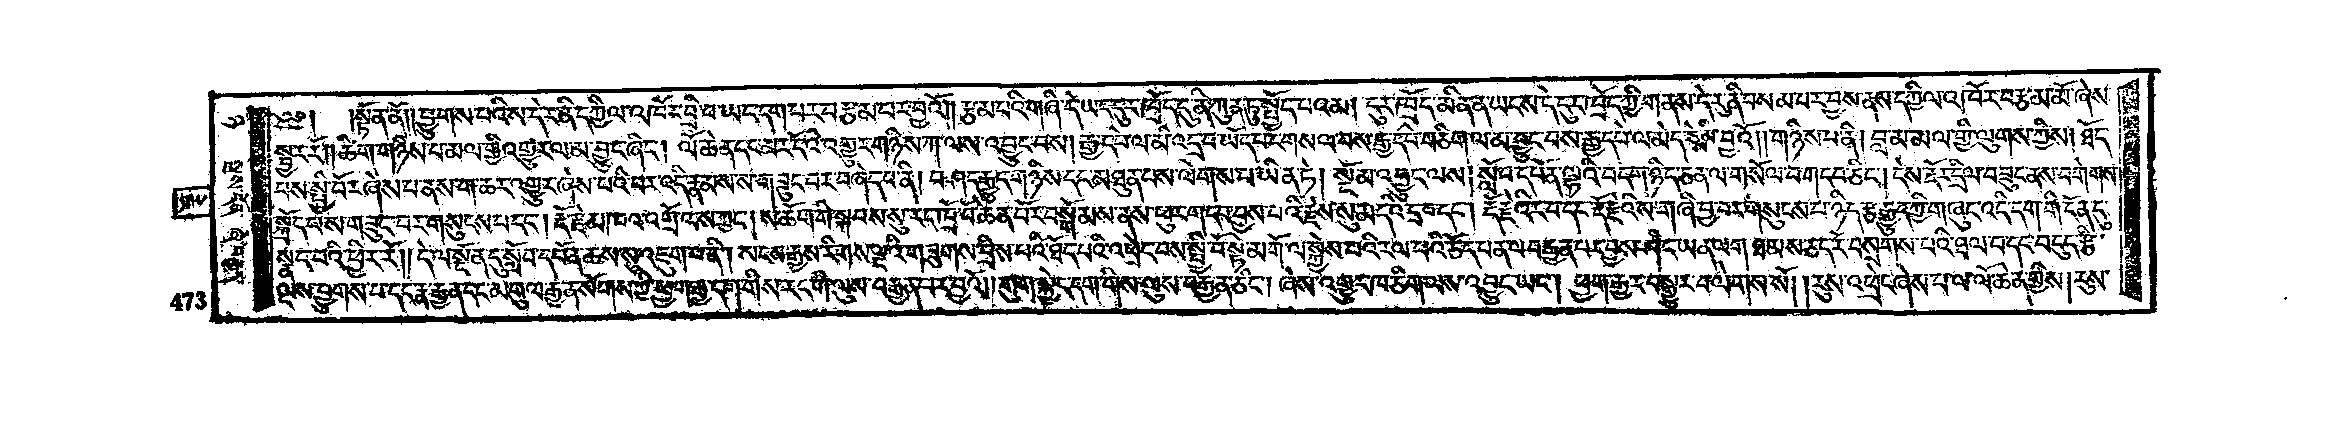༄༅། །སྟོན་ནོ། །བྱུགས་པའི་ས་དེར་ནི་དཀྱིལ་འཁོར་བྲི་བ་ཡང་དག་པར་བརྩམ་པར་བྱའོ། །རྩམ་པའི་གཞི་དེ་ཡང་དུར་ཁྲོད་དུ་ནི་ཀུན་ཏུ་སྤྱོད་པའམ། དུར་ཁྲོད་མིན་ན་ཡངས་དེ་དུར་ཁྲོད་ཀྱི་གནས་དེ་རུ་ནི་བསམ་པར་བྱས་ནས་དཀྱིལ་འཁོར་བརྩམ་མོ་ཞེས་
སྦྱར་རོ། །ཚིག་གཉིས་པ་མལ་གྱི་འགྱུར་ལ་མ་བྱུང་ཞིང་། ལོ་ཆེན་དང་མར་དོའི་འགྱུར་གཉིས་ཀ་ལས་འབྱུང་བས། རྒྱ་དཔེ་ལ་མི་འདྲ་བ་ཡོད་པར་གསལ་བས་རྒྱ་དཔེ་གཅིག་ལ་མ་བྱུང་བས་རྒྱ་དཔེ་ལ་མེད་ཅེས་མི་བྱའོ། །གཉིས་པ་ནི། བླ་མ་མལ་གྱི་ལུགས་ཀྱིས། ཐོད་
པས་སྤྱི་བོར་ཞེས་པ་ནས་ག་ཆར་འགྱུར་ཞེས་པའི་བར་འདི་རྣམས་ས་གཟུང་བར་བཞེད་པ་ནི། བཤད་རྒྱུད་གཉིས་དང་མཐུན་པས་ལེགས་པ་ཡིན་ཏེ། སྔོམ་འབྱུང་ལས། སློབ་དཔོན་ལྷའི་བདག་ཉིད་ཅན་ལ་གསོལ་བ་གང་བ་ཅིང་། དེས་རྡོར་དྲིལ་བཟུང་ནས་བགེགས་
སྐྲོད་པ་ས་གཟུང་བར་གསུངས་པ་དང་། རྡོ་རྗེ་མཁའ་འགྲོ་ལས་ཀྱང་། ས་ཆོག་གི་སྐབས་སུ་རང་ཁྲོ་བོ་ཆེན་པོར་བསྒོམས་ནས་ཕུར་གདབ་བྱས་པའི་རྗེས་སུ་མདའི་དྲ་བ་དང་། རྡོ་རྗེའི་ར་བ་དང་རྡོ་རྗེའི་ས་གཞི་བྱ་བར་གསུངས་པ་ཉིད་རྩ་རྒྱུད་ཀྱི་གཞུང་འདི་དག་གི་དོན་དུ་
སྣང་བའི་ཕྱིར་རོ། །དེ་ལ་སྔོན་དུ་སློབ་དཔོན་ཆས་སུ་འཇུག་པ་ནི། སངས་རྒྱས་རིགས་ལྔའི་གཟུགས་བྲིས་པའི་ཐོད་པའི་འཕྲེང་བས་སྤྱི་བོ་སྟེ་མགོ་ལ་སྐྱེས་པའི་རལ་པའི་ཅོད་པན་ལ་བརྒྱན་པར་བྱས་ཤིང་ཡན་ལག་ཐམས་ཅད་རོ་བསྲགས་པའི་ཐལ་བ་དང་བདུད་རྩི་
ལྔས་བྱུགས་པ་དང་རྣ་རྒྱན་དང་མགུལ་རྒྱན་སོགས་ཀྱི་ཕྱག་རྒྱ་དག་གིས་རང་གི་ལུས་བརྒྱན་པར་བྱའོ། །གུག་སྐྱེད་དག་གིས་ལུས་བརྒྱན་ཅིང་། ཞེས་འགྱུར་ཁ་ཅིག་ལས་འབྱུང་ཡང་། ཕྱག་རྒྱར་བསྒྱུར་བ་ལེགས་སོ། །རུས་འཕྲེང་ཞེས་པ་ལ་ལོ་ཆེན་གྱིས། རུས་